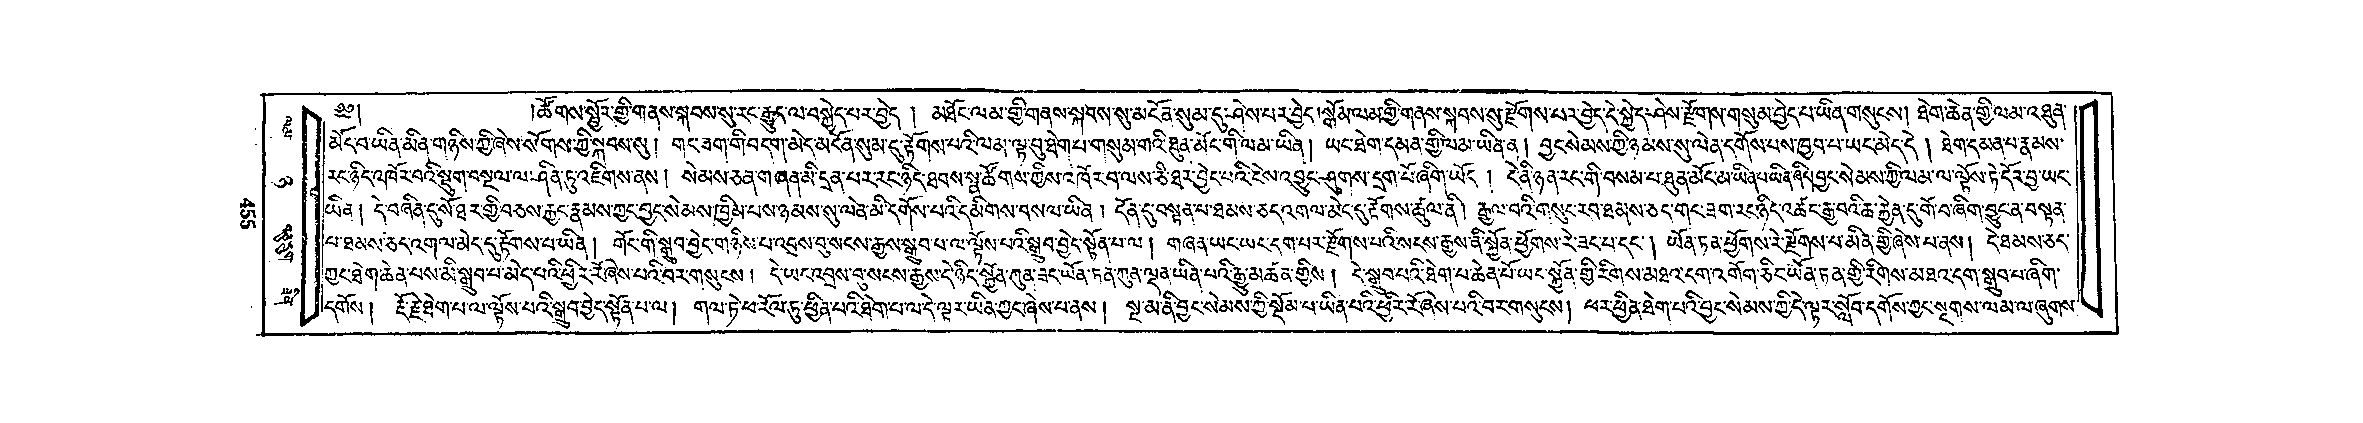༄༅། །ཚོགས་སྦྱོར་གྱི་གནས་སྐབས་སུ་རང་རྒྱུད་ལ་བསྐྱེད་པར་བྱེད། མཐོང་ལམ་གྱི་གནས་སྐབས་སུ་མངོན་སུམ་དུ་ཤེས་པར་བྱེད། སྒོམ་ལམ་གྱི་གནས་སྐབས་སུ་རྫོགས་པར་བྱེད་དེ་སྐྱེད་ཤེས་རྫོགས་གསུམ་བྱེད་པ་ཡིན་གསུངས། ཐེག་ཆེན་གྱི་ལམ་འཐུན་
མོང་བ་ཡིན་མིན་གཉིས་ཀྱི་ཞེས་སོགས་ཀྱི་སྐབས་སུ། གང་ཟག་གི་བདག་མེད་མངོན་སུམ་དུ་རྟོགས་པའི་ལམ་ལྟ་བུ་ཐེག་པ་གསུམ་གའི་ཐུན་མོང་གི་ལམ་ཡིན། ཡང་ཐེག་དམན་གྱི་ལམ་ཡིན་ན། བྱང་སེམས་ཀྱི་ཉམས་སུ་ལེན་དགོས་པས་ཁྱབ་པ་ཡང་མེད་དེ། ཐེག་དམན་པ་རྣམས་
རང་ཉིད་འཁོར་བའི་སྡུག་བསྔལ་ལ་ཤིན་ཏུ་འཇིགས་ནས། སེམས་ཅན་གཞན་མི་དྲན་པར་རང་ཉིད་ཐབས་སྣ་ཚོགས་ཀྱིས་འཁོར་བ་ལས་ཅི་ཐར་བྱེད་པའི་ངེས་འབྱུང་ཤུགས་དྲག་པོ་ཞིག་ཡོད། དེ་ནི་ཉན་རང་གི་བསམ་པ་ཐུན་མོང་མ་ཡིན་པ་ཡིན་ཞིང་། བྱང་སེམས་ཀྱི་ལམ་ལ་ལྟོས་ཏེ་དོར་བྱ་ཡང་
ཡིན། དེ་བཞིན་དུ་སོ་ཐར་གྱི་བཅས་རྐྱང་རྣམས་ཀྱང་བྱང་སེམས་ཁྱིམ་པས་ཉམས་སུ་ལེན་མི་དགོས་པའི་དམིགས་བསལ་ཡིན། དོན་དུ་བསྟན་པ་ཐམས་ཅད་འགལ་མེད་དུ་རྟོགས་ཚུལ་ནི། རྒྱལ་བའི་གསུང་རབ་ཐམས་ཅད་གང་ཟག་རང་ཉིད་འཚང་རྒྱ་བའི་ཆ་རྐྱེན་དུ་གོ་བ་ཞིག་བྱུང་ན་བསྟན་
པ་ཐམས་ཅད་འགལ་མེད་དུ་རྟོགས་པ་ཡིན། གོང་གི་སྒྲུབ་བྱེད་གཉིས་པ་འབྲས་བུ་སངས་རྒྱས་སྒྲུབ་པ་ལ་ལྟོས་པའི་སྒྲུབ་བྱེད་སྟོན་པ་ལ། གཞན་ཡང་ཡང་དག་པར་རྫོགས་པའི་སངས་རྒྱས་ནི་སྐྱོན་ཕྱོགས་རེ་ཟད་པ་དང་། ཡོན་ཏན་ཕྱོགས་རེ་རྫོགས་པ་མིན་གྱི་ཞེས་པ་ནས། དེ་ཐམས་ཅད་
ཀྱང་ཐེག་ཆེན་པས་མི་སྒྲུབ་པ་མེད་པའི་ཕྱིར་རོ་ཞེས་པའི་བར་གསུངས། དེ་ཡང་འབྲས་བུ་སངས་རྒྱས་དེ་ཉིད་སྐྱོན་ཀུན་ཟད་ཡོན་ཏན་ཀུན་ལྡན་ཡིན་པའི་རྒྱུ་མཚན་གྱིས། དེ་སྒྲུབ་པའི་ཐེག་པ་ཆེན་པོ་ཡང་སྐྱོན་གྱི་རིགས་མཐའ་དག་འགོག་ཅིང་ཡོན་ཏན་གྱི་རིགས་མཐའ་དག་སྒྲུབ་པ་ཞིག་
དགོས། རྡོ་རྗེ་ཐེག་པ་ལ་ལྟོས་པའི་སྒྲུབ་བྱེད་སྟོན་པ་ལ། གལ་ཏེ་ཕ་རོལ་ཏུ་ཕྱིན་པའི་ཐེག་པ་ལ་དེ་ལྟར་ཡིན་ཀྱང་ཞེས་པ་ནས། སྔ་མ་ནི་བྱང་སེམས་ཀྱི་སྡོམ་པ་ཡིན་པའི་ཕྱིར་རོ་ཞེས་པའི་བར་གསུངས། ཕར་ཕྱིན་ཐེག་པའི་བྱང་སེམས་ཀྱི་དེ་ལྟར་སློབ་དགོས་ཀྱང་སྔགས་ལམ་ལ་ཞུགས་